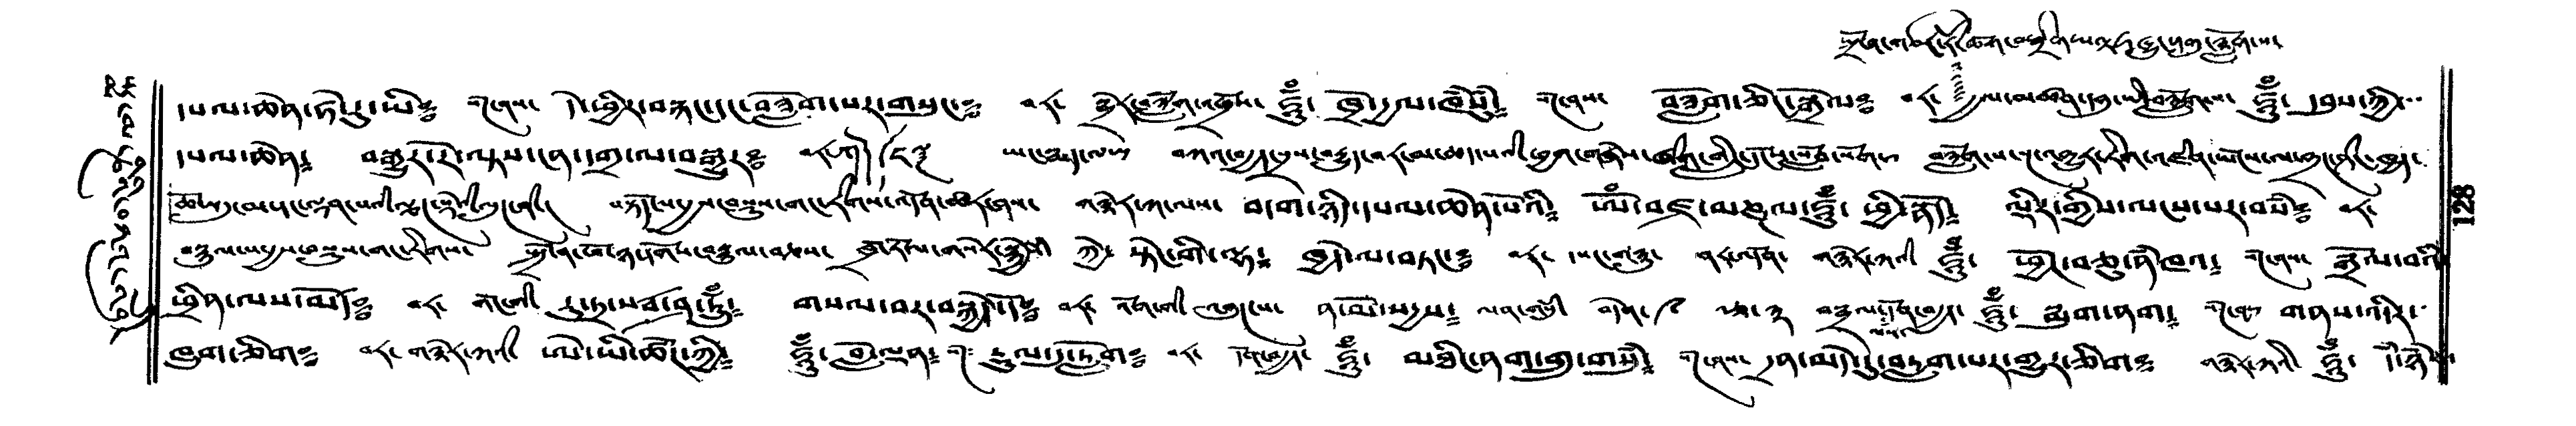དཔལ་ཆེན་ཧེ་རུ་ཡི༴ སོགས་ནས། དེ་ཕྱིར་བསྐང་དང་བཟློག་པར་གསུངསཿ བར། སྨྲོར་ཟློག་འཕྲོས། ཧཱུྃ༔ ཁྲོ་རྒྱལ་ཁམས་གསུམ༴ སོགས་ནས། ཟློག་ཅིང་སྒྲོལ༔ བར། སྤྲོ་ན་གཙང་རམས་ཆོག་བསྒྲིགས་ལྟར་ཁྱུང་དགུ་ཟློག་པ། རྒྱལ་མཚན་དགུ་ཡི་ཟློག་པ། ཧཱུྃ༔ དབུས་ཀྱི་
དཔལ་ཆེན༴ སྒྱུར་རོ་ལྟས་ངན་དགྲ་ལ་སྒྱུར༔ བར། ༈ ཡང་སྨད་ལས། བཀའ་བརྒྱད་སྲས་བརྒྱུད་བར་མ་ཆད་པའི་ཕྱག་བཞེས་ཞིག་གླིང་དངོས་སློབ་སོགས་ཟློག་པ་སྔ་འགྱུར་རིག་འཛིན་ཡོངས་ལ་གྲགས་ཤིང་ཁྱད་
ཆོས་དུ་མ་དང་ལྡན་པའི་ལྕགས་སྡེའི་ལུགས་ནི། བསྟོད་པ་རྒྱས་བསྡུས་གང་རིགས་བཏོན་ཚར་ནས། གཟེར་ཀ་ལས། བདག་ཉིད་དཔལ་ཆེན་པོའི༴ ཨོཾ་བཛྲ་མཎྜལ་ཧཱུྃ༔ ཕྱི་སྣོད༴ ལྡིར་གྱིས་ལངས་པར་བསམ། བར། 
སྐུལ་པ་རྒྱས་བསྡུས་གང་རིགས། སྤྲོ་ན་ཕོ་ཉ་སྒོས་སྐུལ་བཅས། ཁྲོ་རོལ་གསེར་སྐྱེམས། ཀྱེ༔ སྟེང་གི་ལྷ༴ ཁྱེད་ལ་བཏང༔ བར། དཔང་གཟུ། ནར་འདོན། གཟེར་ཀའི། ཧཱུྃ༔ ཕྱོགས་བཅུ་ནམ་མཁའ༴ སོགས་ནས། སྒྲོལ་བའི་
ཕྲིན་ལས་མཛོད༔ བར། གོང་གི རུ་ཏྲ་སརྦ་ཤ་ཏྲུྃ༴ གསལ་བར་བསྐྱེད་དོ༔ བར། འོག་གི འགུགས་པ། ན་མོ༔སངས་རྒྱས༴ ལན་གསུམ། བདེན་ཆུང་ལན་དགུ། རྩ་རྒྱུད་ལན་གསུམ། བསྒྲལ་ལས་དོན་བརྒྱད། ཧཱུྃ༔ སྨུག་ནག༴ སོགས་ནས། གནས་འདིར་
ཁུག་ཅིག༔ བར་གཟེར་ཀའི། ཨེ་ཡི་ཚོགས་ཀྱི༴ ཧཱུྃ༔བློ་ལྡན༴ སོགས༴ རྡུལ་དུ་རློགས༔ བར། དོན་བརྒྱད། ཧཱུྃ༔ མཐིང་ནག་གྲུ་གསུམ༴ སོགས་ནས། དྲན་མེད་དུ་བརླག་པར་གྱུར་ཅིག༔ གཟེར་ཀའི། ཧཱུྃ༔ དམ་ཉམས་